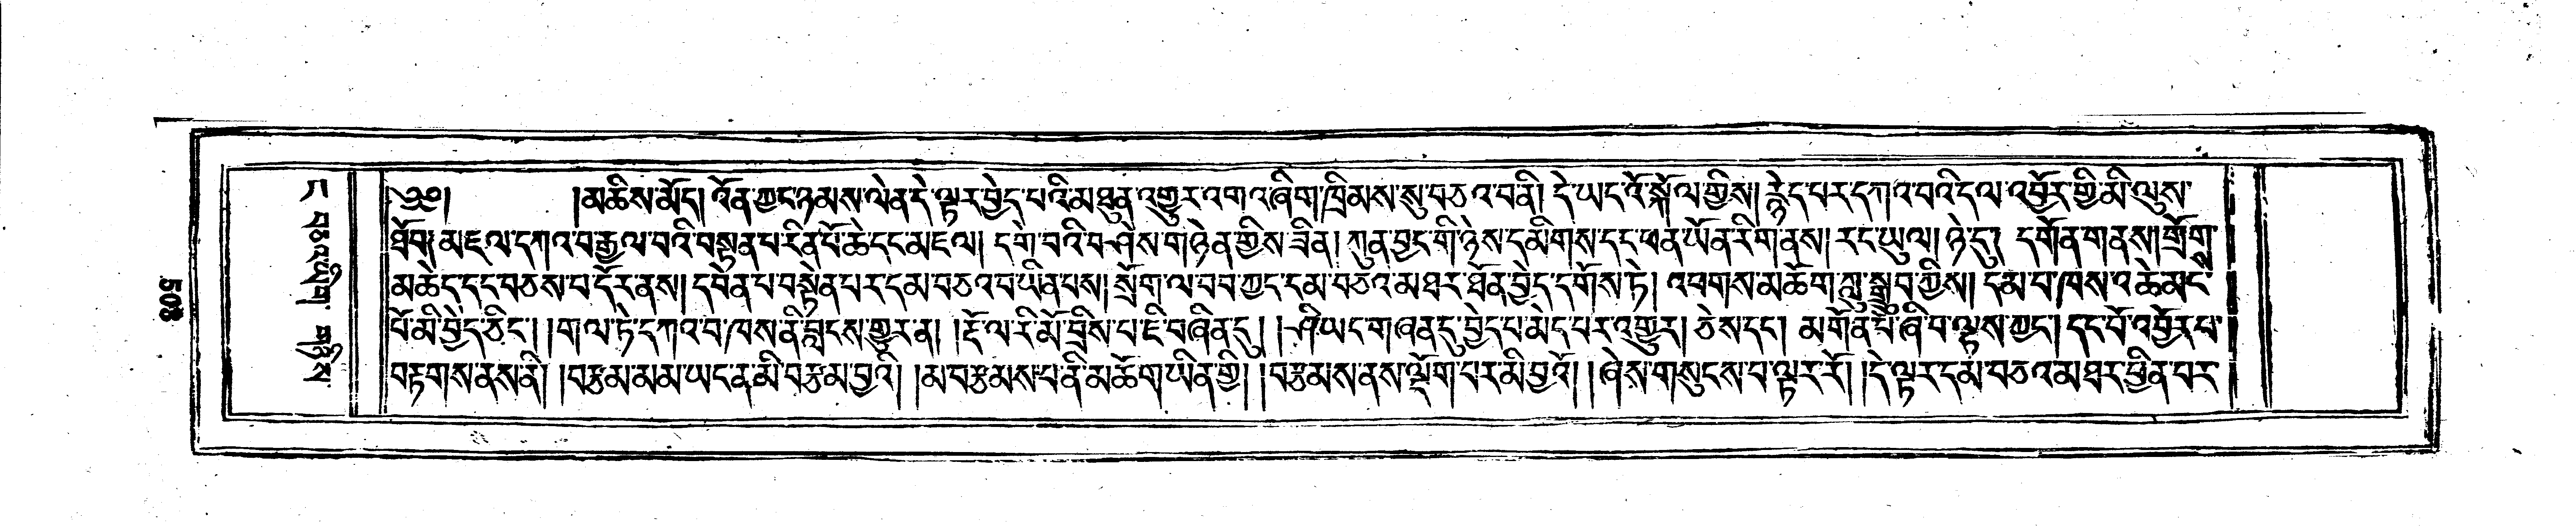༄༅། །མཆིས་མོད། འོན་ཀྱང་ཉམས་ལེན་དེ་ལྟར་བྱེད་པའི་མཐུན་འགྱུར་འགའ་ཞིག་ཁྲིམས་སུ་བཅའ་བ་ནི། དེ་ཡང་འོ་སྐོལ་གྱིས། རྙེད་པར་དཀའ་བའི་དལ་འབྱོར་གྱི་མི་ལུས་
ཐོབ༑ མཇལ་དཀའ་བ་རྒྱལ་བའི་བསྟན་པ་རིན་པོ་ཆེ་དང་མཇལ། དགེ་བའི་བཤེས་གཉེན་གྱིས་ཟིན། ཀུན་བྱང་གི་ཉེས་དམིགས་དང་ཕན་ཡོན་རིག་ནས། རང་ཡུལ། ཉེ་དུ༑ དགོན་གནས། གྲོགས་
མཆེད་དང་བཅས་པ་དོར་ནས། དབེན་པ་བསྟེན་པར་དམ་བཅའ་བ་ཡིན་པས། སྲོག་ལ་བབ་ཀྱང་དམ་བཅའ་མཐར་ཐོན་བྱེད་དགོས་ཏེ། འཕགས་མཆོག་ཀླུ་སྒྲུབ་ཀྱིས། དམ་པ་ཁས་འཆེ་མང་
པོ་མི་བྱེད་ཅིང་། །གལ་ཏེ་དཀའ་བ་ཁས་ནི་བླངས་གྱུར་ན། །རྡོ་ལ་རི་མོ་བྲིས་པ་ཇི་བཞིན་དུ། །ཤི་ཡང་གཞན་དུ་བྱེད་པ་མེད་པར་འགྱུར། ཅེས་དང་། མགོན་པོ་ཞི་བ་ལྷས་ཀྱང་། དང་པོ་འབྱོར་བ་
བརྟགས་ནས་ནི། །བརྩམ་མམ་ཡང་ན་མི་བརྩམ་བྱའི། །མ་བརྩམས་པ་ནི་མཆོག་ཡིན་གྱི། །བརྩམས་ནས་ལྡོག་པར་མི་བྱའོ། །ཞེས་གསུངས་པ་ལྟར་རོ། །དེ་ལྟར་དམ་བཅའ་མཐར་ཕྱིན་པར་